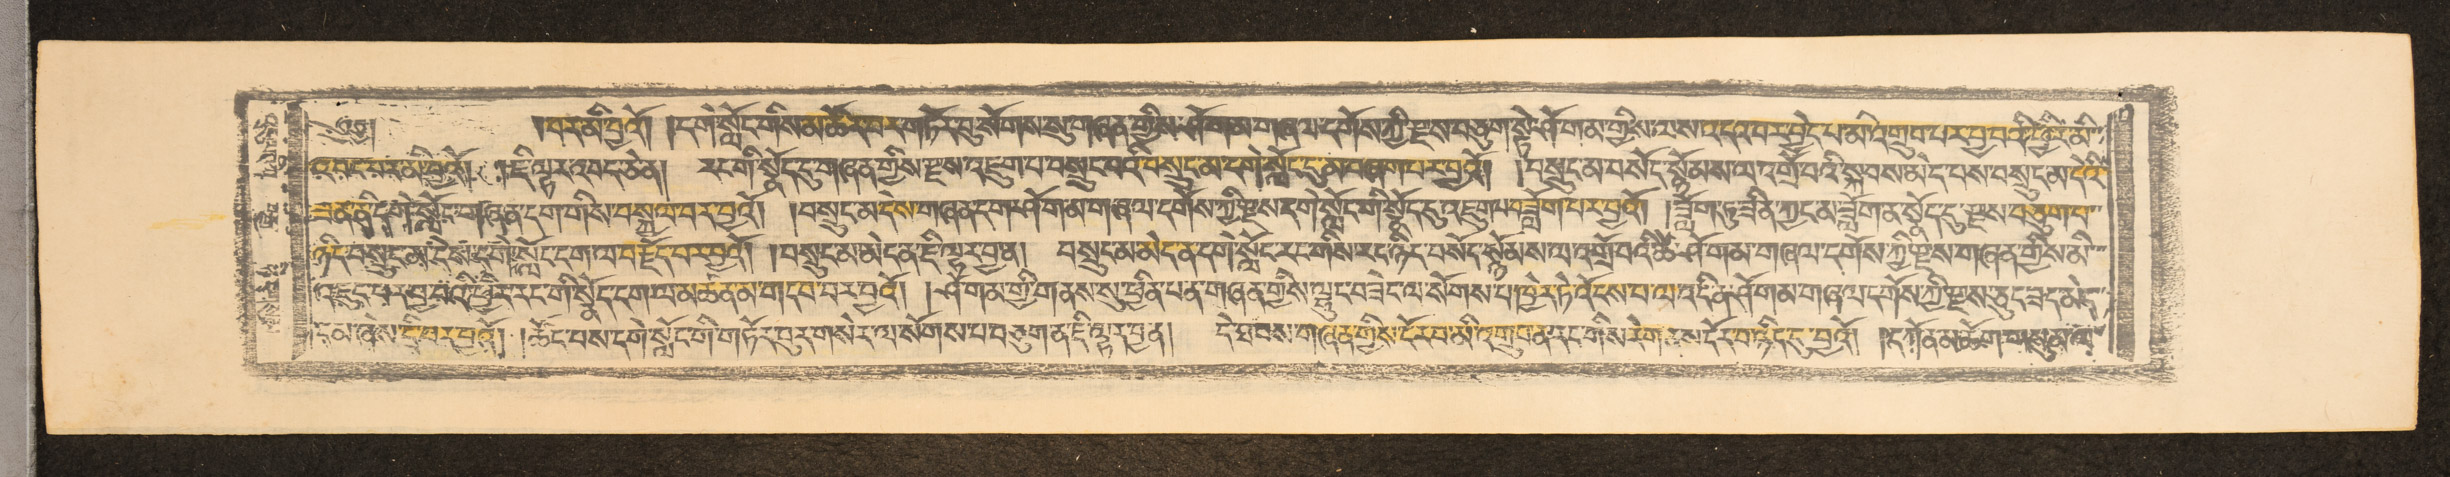༄༅། །བར་མི་བྱའོ། །དགེ་སློང་གིས་མཚོར་བར་གཏོར་བུ་སོགས་སུ་གཞན་གྱིས་ཤོ་གམ་གཞལ་དགོས་ཀྱི་རྫས་བཅུག་སྟེ་ཤོ་གམ་གྱིས་ལས་འདའ་བར་བྱེད་པ་མི་འགྲུབ་པར་བྱ་བའི་ཕྱིར་མི་
འབད་པར་མི་བྱའོ། །ཇི་ལྟར་འབད་ཅེ་ན། རང་གི་སྣོད་དུ་གཞན་གྱིས་རྫས་འཇུག་པ་བསྲུང་བའི་བསྲུང་མ་དགེ་སློང་དུ་མ་བཞག་པར་བྱའོ། །བསྲུང་མ་བསོད་སྙོམས་ལ་འགྲོ་བའི་སྐབས་མེད་པས་བསྲུང་མ་དེའི་
ཟན་ནི་དགེ་སློང་གཞན་དག་གིས་བསྐྱལ་བར་བྱའོ། །བསྲུང་མ་དེས་གཞན་དག་ཤོ་གམ་གཞལ་དགོས་ཀྱི་རྫས་དགེ་སློང་གི་སྣོད་དུ་འཇུག་བ་བཟློག་པར་བྱའོ། །ཟློག་ཏུ་ཟིན་ཀྱང་མ་ཟློག་ན་སྣོད་དུ་རྫས་བཅུག་པ་
ཉིད་བསྲུང་མ་དེས་དགེ་སློང་དག་ལ་བརྗོད་པར་བྱའོ། །བསྲུང་མ་མེད་ན་ཇི་ལྟར་བྱ་ན། བསྲུང་མ་མེད་ན་དགེ་སློང་རང་གིས་རང་ཉིད་བསོད་སྙོམས་ལ་འགྲོ་བའི་ཚེ་ཤོ་གམ་གཞལ་དགོས་ཀྱི་རྫས་གཞན་གྱིས་མི་
འཇུད་པར་བྱ་བའི་ཕྱིར་རང་གི་སྣོད་དག་ལ་མཚན་མ་གདབ་པར་བྱའོ། །ཤོ་གམ་གྱི་གནས་སུ་ཕྱིན་པ་ན་གཞན་གྱིས་ལྷུང་བཟེད་ལ་སོགས་པ་ཁྱེར་ཏེ་འོངས་པ་ལ་འདི་ན་ཤོ་གམ་གཞལ་དགོས་ཀྱི་རྫས་ཅུང་ཟད་མེད་
དམ་ཞེས་དྲི་བར་བྱའོ། །ཚོང་པས་དགེ་སློང་གི་གཏོར་བུར་གསེར་ལ་སོགས་པ་བཅུག་ན་ཇི་ལྟར་བྱ་ན། དེ་ཐབས་གཞན་གྱིས་དོར་བ་མི་འགྲུབ་ན་རང་གིས་རེག་ནས་དོར་བ་ཉིད་དུ་བྱའོ། །དཀོན་མཆོག་གསུམ་ལ་